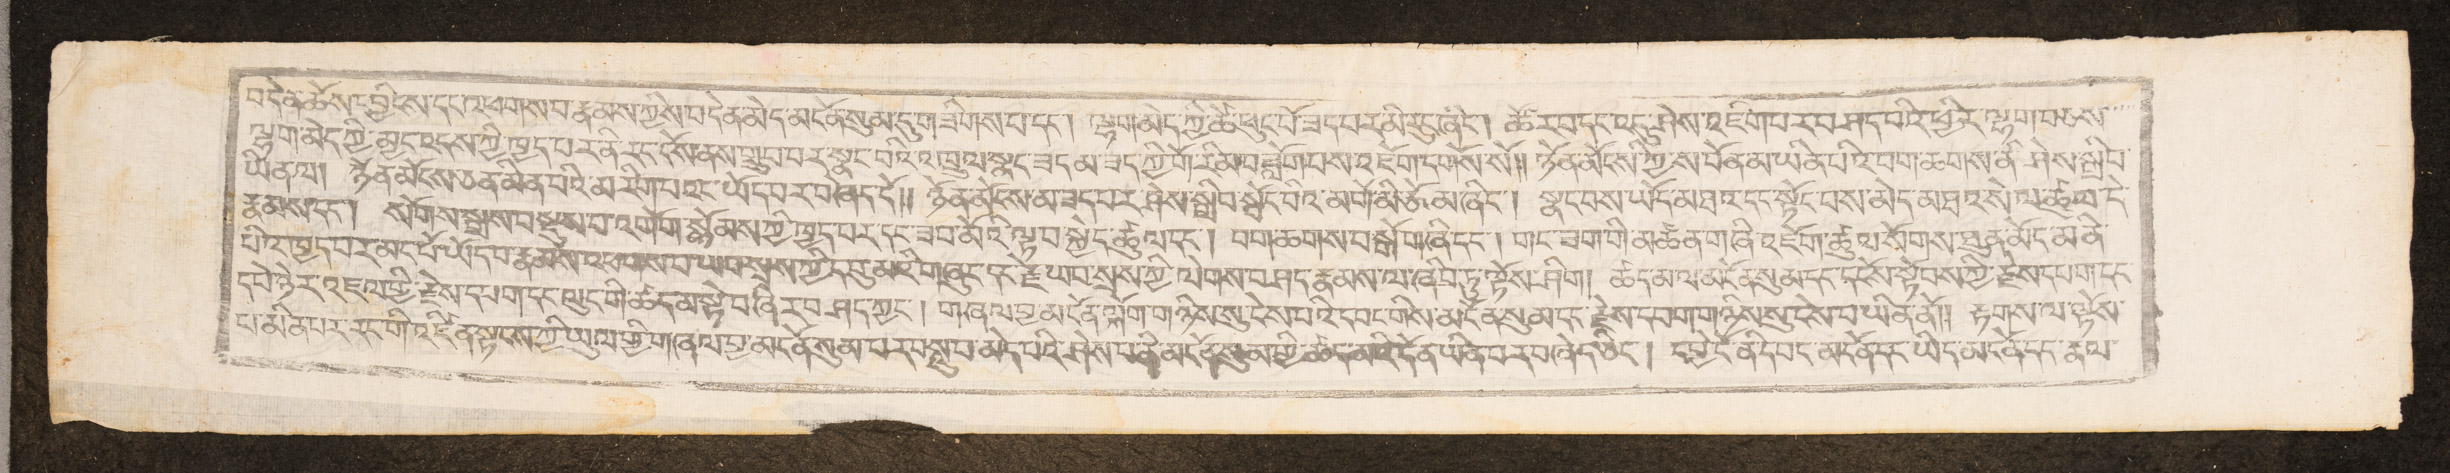བདེན་ཆོས་དབྱིངས་དང་འཕགས་པ་རྣམས་ཀྱིས་བདེན་མེད་མངོན་སུམ་དུ་གཟིགས་པ་དང་། ལྷག་མེད་ཀྱི་ཚེ་ཕུང་པོ་ཟད་པར་མི་རུང་ཞིང་། ཚོར་བ་དང་འདུ་ཤེས་འཇིག་པར་བཤད་པའི་ཕྱིར་ལྷག་བཅས་
ལྷག་མེད་ཀྱི་མྱང་འདས་ཀྱི་ཁྱད་པར་ནི་རང་ངོས་ནས་གྲུབ་པར་སྣང་བའི་འཁྲུལ་སྣང་ཟད་མ་ཟད་ཀྱི་གོ་རིམ་བཟློག་པས་འཇོག་དགོས་སོ།། ཉོན་མོངས་ཀྱི་ས་བོན་མ་ཡིན་པའི་བག་ཆགས་ནི་ཤེས་སྒྲིབ་
ཡིན་ལ། ཉོན་མོངས་ཅན་མིན་པའི་མ་རིག་པའང་ཡོད་པར་བཞེད་དོ།། ཉོན་མོངས་མ་ཟད་པར་ཤེས་སྒྲིབ་སྤོང་བའི་མགོ་མི་རྩོམ་ཞིང་། སྣང་བས་ཡོད་མཐའ་དང་སྟོང་བས་མེད་མཐའ་སེལ་ཚུལ་དེ་
རྣམས་དང་། སོགས་སྒྲས་བསྡུས་པ་འགོག་སྙོམས་ཀྱི་ཁྱད་པར་དང་ཟབ་མོའི་ལྟ་བ་སྐྱེད་ཚུལ་དང་། བག་ཆགས་བསྒོ་གཞི་དང་། གང་ཟག་གི་མཚན་གཞི་འཇོག་ཚུལ་སོགས་ཐུན་མོང་མ་ནི་
པའི་ཁྱད་པར་མང་པོ་ཡོད་པ་རྣམས་འཕགས་པ་ཡབ་སྲས་ཀྱི་དབུ་མའི་གཞུང་དང་རྗེ་ཡབ་སྲས་ཀྱི་ལེགས་བཤད་རྣམས་ལ་ཞིབ་ཏུ་ལྟོས་ཤིག །ཚད་མ་ལ་མངོན་སུམ་དང་དངོས་སྟོབས་ཀྱི་རྗེས་དཔག་དང་
དཔེ་ཉེར་འཇལ་གྱི་རྗེས་དཔག་དང་ལུང་གི་ཚད་མ་སྟེ་བཞིར་བཤད་ཀྱང་། གཞལ་བྱ་མངོན་ལྐོག་གཉིས་སུ་ངེས་པའི་དབང་གིས་མངོན་སུམ་དང་རྗེས་དཔག་གཉིས་སུ་ངེས་པ་ཡིན་ནོ།། རྟགས་ལ་ལྟོས་
པ་མིན་པར་རང་གི་འཛིན་སྟངས་ཀྱི་ཡུལ་གྱི་གཞལ་བྱ་མངོན་སུམ་པར་བསླུ་བ་མེད་པའི་ཤེས་པ་ནི་མངོན་སུམ་གྱི་ཚད་མའི་དོན་ཡིན་པར་བཞེད་ཅིང་། དབྱེ་ངོ་ནི་དབང་མངོན་དང་ཡིད་མངོན་དང་རྣལ་